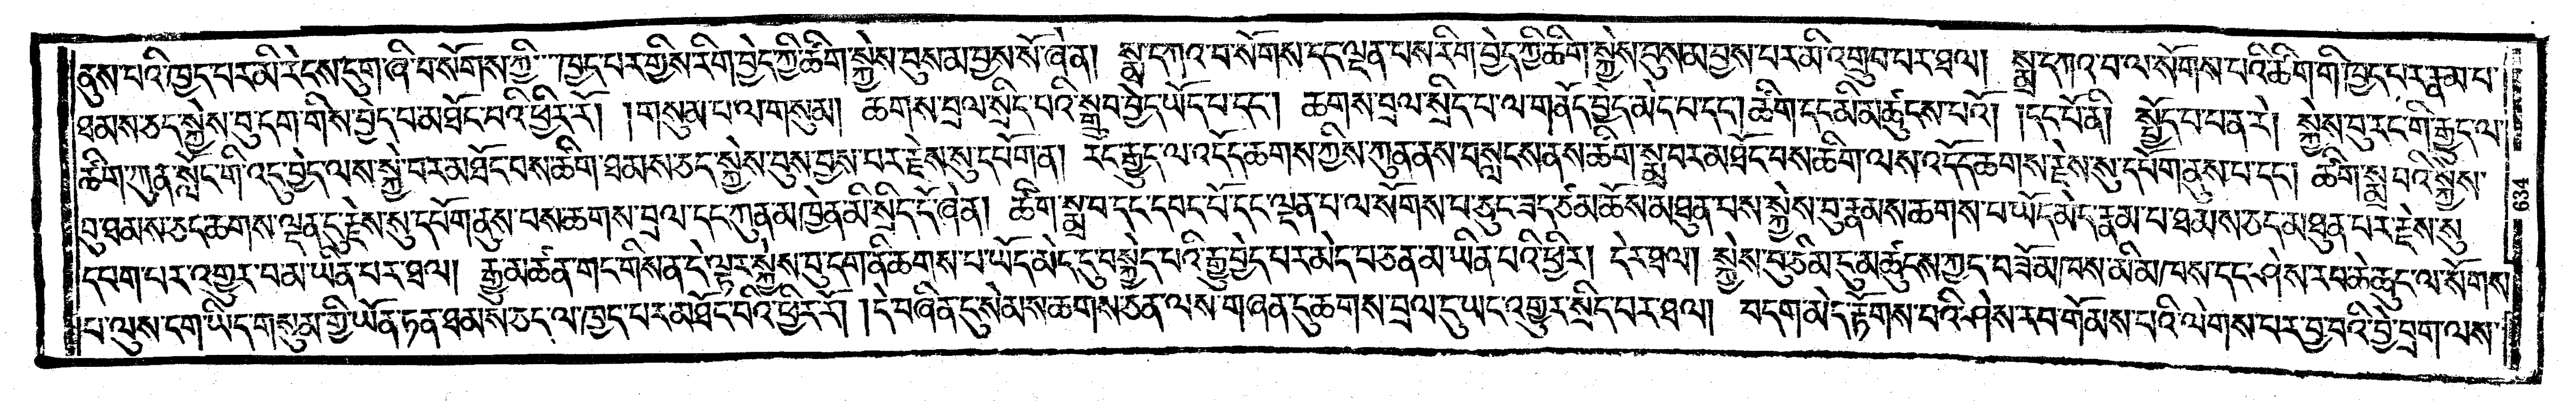ནུས་པའི་ཁྱད་པར་མི་རེངས་དུག་ཞི་བ་སོགས་ཀྱི་ཁྱད་པར་གྱིས་རིག་བྱེད་ཀྱི་ཚིག་སྐྱེས་བུས་མ་བྱས་སོ་ཞེ་ན། སྨྲ་དཀའ་བ་སོགས་དང་ལྡན་པས་རིག་བྱེད་ཀྱི་ཚིག་སྐྱེས་བུས་མ་བྱས་པར་མི་འགྲུབ་པར་ཐལ། སྨྲ་དཀའ་བ་ལ་སོགས་པའི་ཚིག་གི་ཁྱད་པར་རྣམ་པ་
ཐམས་ཅད་སྐྱེས་བུ་དག་གིས་བྱེད་པ་མཐོང་བའི་ཕྱིར་རོ། །གསུམ་པ་ལ་གསུམ། ཆགས་བྲལ་སྲིད་པའི་སྒྲུབ་བྱེད་ཡོད་པ་དང་། ཆགས་བྲལ་སྲིད་པ་ལ་གནོད་བྱེད་མེད་པ་དང་། ཚིག་དང་མི་མཚུངས་པའོ། །དང་པོ་ནི། སྤྱོད་པ་པ་ན་རེ། སྐྱེས་བུ་རང་གི་རྒྱུད་ལ་
ཚིག་ཀུན་སློང་གི་འདུ་བྱེད་ལས་སྐྱེ་བར་མཐོང་བས་ཚིག་ཐམས་ཅད་སྐྱེས་བུས་བྱས་པར་རྗེས་སུ་དཔོག་ན། རང་རྒྱུད་ལ་འདོད་ཆགས་ཀྱིས་ཀུན་ནས་བསླངས་ནས་ཚིག་སྨྲ་བར་མཐོང་བས་ཚིག་ལས་འདོད་ཆགས་རྗེས་སུ་དཔོག་ནུས་པ་དང་། ཚིག་སྨྲ་བའི་སྐྱེས་
བུ་ཐམས་ཅད་ཆགས་ལྡན་དུ་རྗེས་སུ་དཔོག་ནུས་པས་ཆགས་བྲལ་དང་ཀུན་མཁྱེན་མི་སྲིད་དོ་ཞེ་ན། ཚིག་སྨྲ་བ་དང་དབང་པོ་དང་ལྡན་པ་ལ་སོགས་པ་ཅུང་ཟད་ཙམ་ཆོས་མཐུན་པས་སྐྱེས་བུ་རྣམས་ཆགས་པ་ཡོད་མེད་རྣམ་པ་ཐམས་ཅད་མཐུན་པར་རྗེས་སུ་
དཔག་པར་འགྱུར་པ་མ་ཡིན་པར་ཐལ། རྒྱུ་མཚན་གང་གིས་ན་དེ་ལྟར་སྐྱེས་བུ་དག་ནི་ཆགས་པ་ཡོད་མེད་དུ་བསྐྱེད་པའི་རྒྱུ་བྱེད་པར་མེད་པ་ཅན་མ་ཡིན་པའི་ཕྱིར། དེར་ཐལ། སྐྱེས་བུ་ཙམ་དུ་མཚུངས་ཀྱང་བཟོ་མཁས་མི་མཁས་དང་ཤེས་རབ་ཆེ་ཆུང་ལ་སོགས་
པ་ལུས་ངག་ཡིད་གསུམ་གྱི་ཡོན་ཏན་ཐམས་ཅད་ལ་ཁྱད་པར་མཐོང་བའི་ཕྱིར་རོ། །དེ་བཞིན་དུ་སེམས་ཆགས་ཅན་ལས་གཞན་དུ་ཆགས་བྲལ་དུ་ཡང་འགྱུར་སྲིད་པར་ཐལ། བདག་མེད་རྟོག་པའི་ཤེས་རབ་གོམས་པའི་ལེགས་པར་བྱ་བའི་བྱེ་བྲག་ལས་